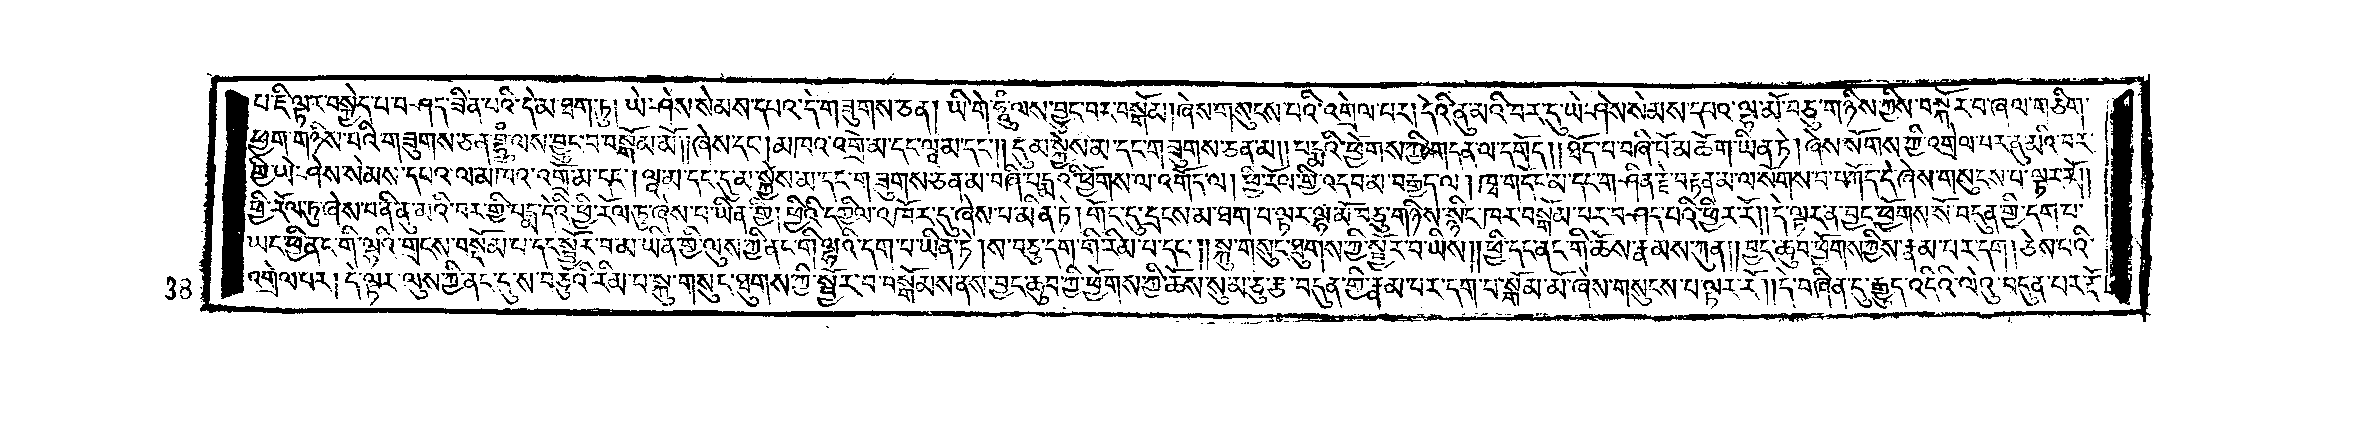པ་ཇི་ལྟར་བསྐྱེད་པ་བཤད་ཟིན་པའི་དེ་མ་ཐག་ཏུ། ཡེ་ཤེས་སེམས་དཔའ་དེ་གཟུགས་ཅན། ཡི་གེ་ཧཱུཾ་ལས་བྱུང་བར་བསྒོམ། ཞེས་གསུངས་པའི་འགྲེལ་བར། དེའི་ནུ་མའི་བར་དུ་ཡེ་ཤེས་སེམས་དཔའ་ལྷ་མོ་བཅུ་གཉིས་ཀྱིས་བསྐོར་བ་ཞལ་གཅིག་
ཕྱག་གཉིས་པའི་གཟུགས་ཅན་བྷཱུཾ་ལས་བྱུང་བ་བསྒོམ་མོ། །ཞེས་དང་། མཁའ་འགྲོ་མ་དང་ལཱ་མ་དང་། དུ་མ་སྐྱེས་མ་དང་གཟུགས་ཅན་མ། །པདམའི་ཕྱོགས་ཀྱི་གདན་ལ་དགོད། །ཐོད་པ་བཞི་པོ་མཆོག་ཡིན་ཏེ། ཞེས་སོགས་ཀྱི་འགྲེལ་བར་ནུ་མའི་བར་
གྱི་ཡེ་ཤེས་སེམས་དཔའ་ལ་མཁའ་འགྲོ་མ་དང་། ལཱ་མ་དང་དུ་མ་སྐྱེས་མ་དང་གཟུགས་ཅན་མ་བཞི་པདམའི་ཕྱོགས་ལ་འགོད་ལ། ཕྱི་རོལ་གྱི་འདབ་མ་བརྒྱད་ལ། ཁྭ་གདོག་མ་དང་གཞིན་རྗེ་བརྟན་མ་ལ་སོགས་པ་བཀོད་དེ་ཞེས་གསུངས་པ་ལྟར་རོ། །
ཕྱི་རོལ་ཏུ་ཞེས་པ་ནི་ནུ་མའི་བར་གྱི་པདམ་དེའི་ཕྱིར་རོལ་ཏུ་ཞེས་པ་ཡིན་གྱི། ཕྱིའི་དཀྱིལ་འཁོར་དུ་ཞེས་པ་མིན་ཏེ། གོང་དུ་དྲངས་མ་ཐག་པ་ལྟར་ལྷ་མོ་བཅུ་གཉིས་སྙིང་ཁར་བསྒོམ་པར་བཤད་པའི་ཕྱིར་རོ། །དེ་ལྟར་ན་བྱང་ཕྱོགས་སོ་བདུན་གྱི་དག་པ་
ཡང་ཕྱི་ནང་གི་ལྷའི་གྲངས་བསྡོམ་པ་དང་སྦྱོར་བ་མ་ཡིན་གྱི་ལུས་ཀྱི་ནང་གི་ལྷའི་དག་པ་ཡིན་ཏེ། ས་བཅུ་དག་གི་རིམ་པ་དང་། །སྐུ་གསུང་ཐུགས་ཀྱི་སྦྱོར་བ་ཡིས། །ཕྱི་དང་ནང་གི་ཆོས་རྣམས་ཀུན། །བྱང་ཆུབ་ཕྱོགས་ཀྱིས་རྣམ་པར་དག། ཅེས་པའི་
འགྲེལ་བར། དེ་ལྟར་ལུས་ཀྱི་ནང་དུ་ས་བཅུའི་རིམ་པ་སྐུ་གསུང་ཐུགས་ཀྱི་སྦྱོར་བ་བསྒོམས་ནས་བྱང་ཆུབ་ཀྱི་ཕྱོགས་ཀྱི་ཆོས་སུམ་ཅུ་རྩ་བདུན་གྱི་རྣམ་པར་དག་པ་སྒོམ་མོ་ཞེས་གསུངས་པ་ལྟར་རོ། །དེ་བཞིན་དུ་རྒྱུད་འདིའི་ལེའུ་བདུན་པར་རྡོ་